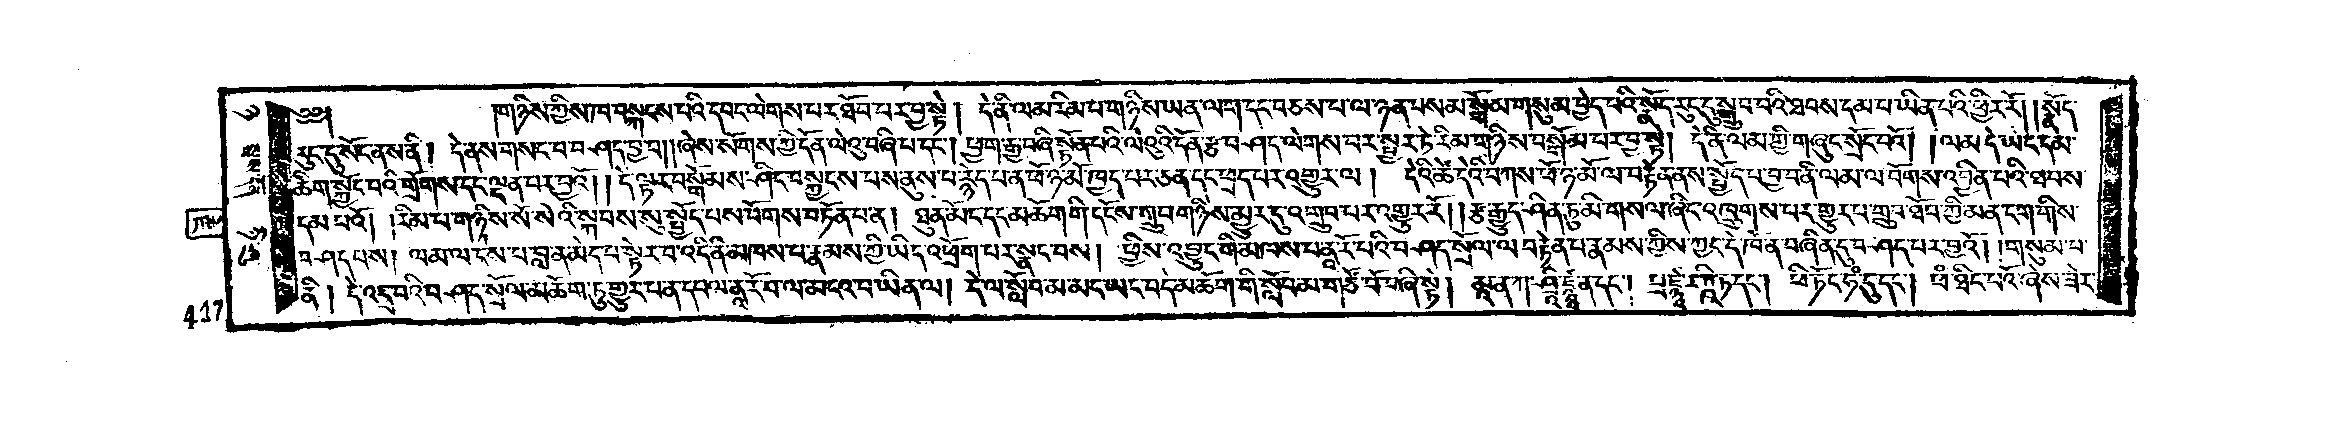༄༅། །གཉིས་ཀྱིས་ཁ་བསྐངས་པའི་དབང་ལེགས་པར་ཐོབ་པར་བྱ་སྟེ། དེ་ནི་ལམ་རིམ་པ་གཉིས་ཡན་ལག་དང་བཅས་པ་ལ་ཉན་བསམ་སྒོམ་གསུམ་བྱེད་པའི་སྣོད་རུང་དུ་སྒྲུབ་པའི་ཐབས་དམ་པ་ཡིན་པའི་ཕྱིར་རོ། །སྣོད་
རུང་དུ་སོང་ནས་ནི། དེ་ནས་གསང་བ་བཤད་བྱ་བ། །ཞེས་སོགས་ཀྱི་དོན་ལེའུ་བཞི་པ་དང་། ཕྱག་རྒྱ་བཞི་སྟོན་པའི་ལེའུ་དོན་རྩ་བཤད་ལེགས་པར་སྦྱར་ཏེ་རིམ་གཉིས་བསྒོམ་པར་བྱ་སྟེ། དེ་ནི་ལམ་གྱི་གཞུང་སྲོང་བའོ། །ལམ་དེ་ཡང་དམ་
ཚིག་སྐྱོང་བའི་གྲོགས་དང་ལྡན་པར་བྱའོ། །དེ་ལྟར་བསྒོམས་ཤིང་བསྐྱངས་པས་ནུས་པ་རྙེད་པ་ན་ཕོ་ཉ་མོ་ཁྱད་པར་ཅན་དང་ཕྲད་པར་འགྱུར་ལ། དེའི་ཚེ་དེའི་བཀས་ཕོ་ཉ་མོ་ལ་བརྟེན་ནས་སྤྱོད་པ་བྱ་བ་ནི་ལམ་ལ་བོགས་འབྱིན་པའི་ཐབས་
དམ་པའོ། །རིམ་པ་གཉིས་སོ་སོའི་སྐབས་སུ་སྤྱོད་པས་བོགས་བཏོན་པ་ན། ཐུན་མོང་དང་མཆོག་གི་དངོས་གྲུབ་གཉིས་མྱུར་དུ་འགྲུབ་པར་འགྱུར་རོ། །རྩ་རྒྱུད་ཤིན་ཏུ་མི་གསལ་ཞིང་འཁྲུགས་པར་གྱུར་པ་གྲུབ་ཐོབ་ཀྱི་མན་ངག་གིས་
བཤད་པས། ལམ་ལ་ངེས་པ་བླ་ན་མེད་པ་སྟེར་བ་འདི་ནི་མཁས་པ་རྣམས་ཀྱི་ཡིད་འཕྲོག་པར་སྣང་བས། ཕྱིས་འབྱུང་གི་མཁས་པ་ནཱ་རོ་པའི་བཤད་སྲོག་ལ་བརྟེན་པ་རྣམས་ཀྱིས་ཀྱང་དེ་ཁོ་ན་བཞིན་དུ་བཤད་པར་བྱའོ། །གསུམ་པ་
ནི། དེ་འདྲ་བའི་བཤད་སྲོལ་མཆོག་ཏུ་གྱུར་པ་ན་དཔལ་ནཱ་རོ་པ་ལ་མངའ་པ་ཡིན་ལ། དེ་ལ་སློབ་མ་མང་ཡང་བདེ་མཆོག་གི་སློབ་མ་གཙོ་བོ་བཞི་སྟེ། མཱ་ན་ཀ་ཤྲཱི་ཛྙཱ་ན་དང་། པྲ་ཛྙཱ་རཀྵི་ཏ་དང་། ཕི་ཏོང་ཧཾ་དུ་དང་། ཕཾ་ཐིང་པའོ་ཞེས་ཟེར་